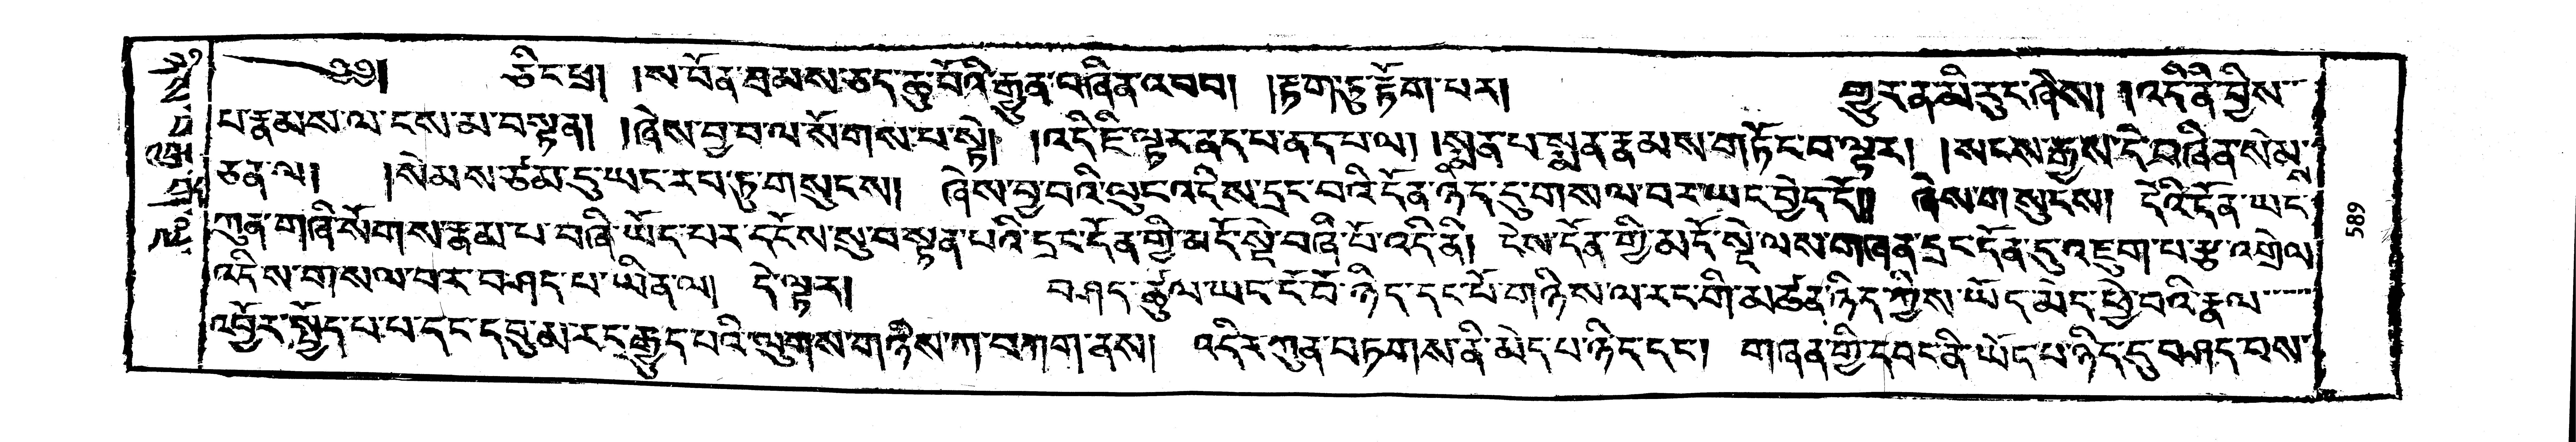༄༅། །ཅིང་ཕྲ། །ས་བོན་ཐམས་ཅད་ཆུ་བོའི་རྒྱུ་བཞིན་འབབ། །རྟག་ཏུ་རྟོག་པར། གྱུར་ན་མི་རུང་ཞེས། །འདི་ནི་བྱིས་
པ་རྣམས་ལ་ངས་མ་བསྟན། །ཞེས་བྱ་བ་ལ་སོགས་པ་སྟེ། །འདི་ཇི་ལྟར་ནད་པ་ནད་པ་ལ། །སྨད་པ་སྨན་རྣམས་གཏོང་བ་ལྟར། །སངས་རྒྱས་དེ་བཞིན་སེམས་
ཅན་ལ། །སེམས་ཙམ་དུ་ཡང་རབ་ཏུ་གསུངས། ཞེས་བྱ་བའི་ལུང་འདིས་དྲང་བའི་དོན་ཉིད་དུ་གསལ་བར་ཡང་བྱེད་དོ། །ཞེས་གསུངས། དེའི་དོན་ཡང་
ཀུན་གཞི་སོགས་རྣམ་པ་བཞི་ཡོད་པར་དངོས་སུ་བསྟན་པའི་དྲང་དོན་གྱི་མདོ་སྡེ་བཞི་པོ་འདི་ནི། ངེས་དོན་གྱི་མདོ་སྡེ་ལས་གཞན་དྲང་དོན་དུ་འཇུག་པ་རྩ་འགྲེལ་
འདིས་གསལ་བར་བཤད་པ་ཡིན་ལ། དེ་ལྟར། བཤད་ཚུལ་ཡང་ངོ་བོ་ཉིད་དང་པོ་གཉིས་ལ་རང་གི་མཚན་ཉིད་ཀྱིས་ཡོད་མེད་ཕྱེ་བའི་རྣལ་
འབྱོར་སྤྱོད་པ་བ་དང་དབུ་མ་རང་རྒྱུད་པའི་ལུགས་གཉིས་ཀ་བཀག་ནས། འདིར་ཀུན་བཏགས་ནི་མེད་པ་ཉིད་དང་། གཞན་གྱི་དབང་ནི་ཡོད་པ་ཉིད་དུ་བཤད་པས་